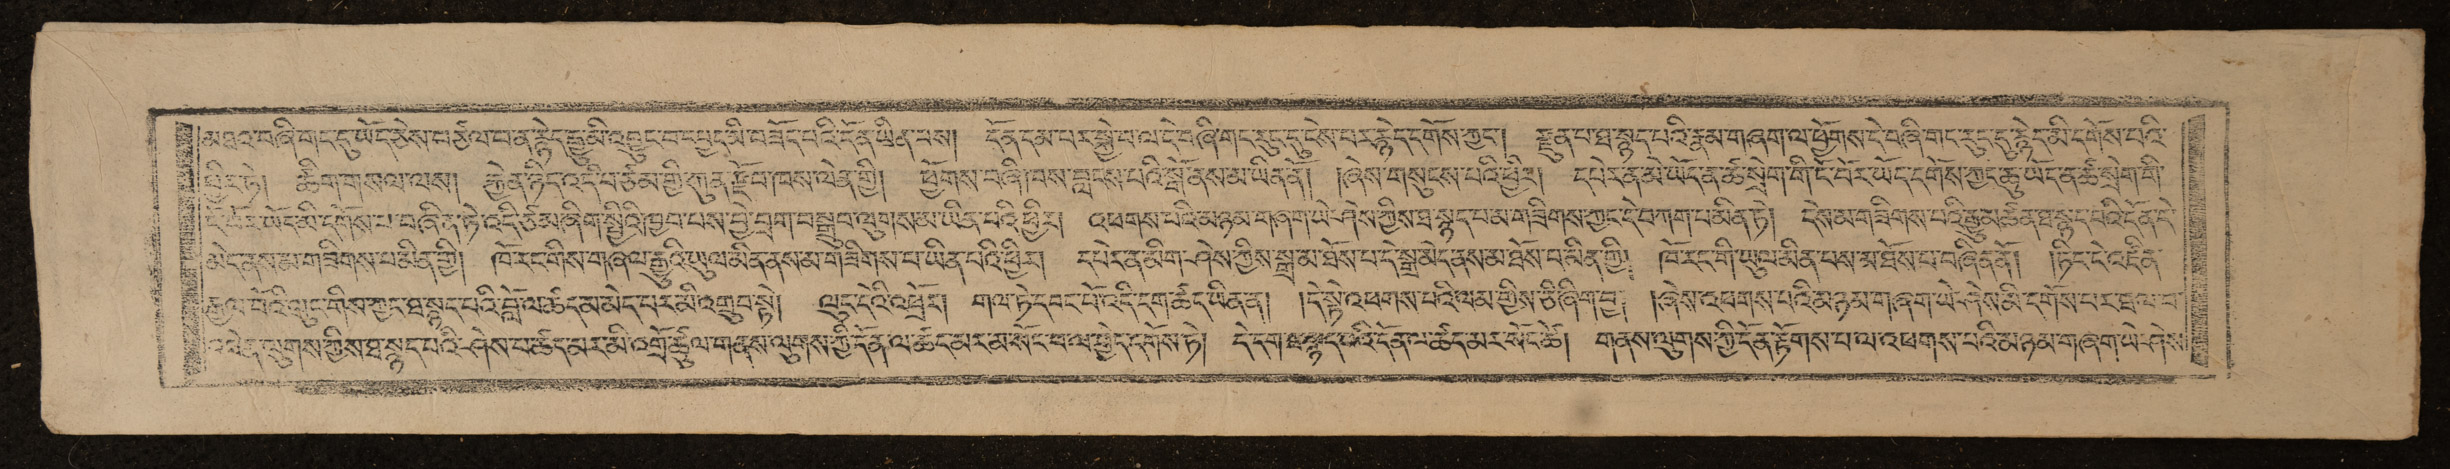མཐའ་བཞི་གང་དུ་ཡོད་ཅེས་བཙལ་བ་ན་རྙེད་རྒྱུ་མི་འབྱུང་བ་དཔྱད་མི་བཟོད་པའི་དོན་ཡིན་པས། དོན་དམ་པར་སྐྱེ་བ་ལ་དེ་བཞི་གང་རུང་དུ་ངེས་པར་རྙེད་དགོས་ཀྱང་། རྫུན་པ་ཐ་སྙད་པའི་རྣམ་གཞག་ལ་ཕྱོགས་དེ་བཞི་གང་རུང་དུ་རྙེད་མི་དགོས་པའི་
ཕྱིར་ཏེ། ཚིག་གསལ་ལས། རྐྱེན་ཉིད་འདི་པ་ཙམ་གྱི་ཀུན་རྫོགས་པས་ལེན་གྱི། ཕྱོགས་བཞི་ཁས་བླངས་པའི་སྒོ་ནས་མ་ཡིན་ནོ། །ཞེས་གསུངས་པའི་ཕྱིར། དཔེར་ན་མེ་ཡོད་ན་ཚ་སྲེག་གི་ངོ་བོར་ཡོད་དགོས་ཀྱང་ཆུ་ཡོད་ན་ཚ་སྲེག་གི་
ངོ་བོར་ཡོད་མི་དགོས་པ་བཞིན་ཏེ་འདི་ཙམ་ཞིག་སྤྱིའི་ཁྱབ་པས་བྱེ་བྲག་བསྒྲུབ་ལུགས་མ་ཡིན་པའི་ཕྱིར། འཕགས་པའི་མཉམ་གཞག་ཡེ་ཤེས་ཀྱིས་ཐ་སྙད་པ་མ་གཟིགས་ཀྱང་དེ་བཀག་པ་མིན་ཏེ། དེས་མ་གཟིགས་པའི་རྒྱུ་མཚན་ཐ་སྙད་པའི་དོན་དེ་
མེད་ནས་མ་གཟིགས་པ་མིན་གྱི། ཁོ་རང་གིས་གཞལ་རྒྱུའི་ཡུལ་མིན་ནས་མ་གཟིགས་པ་ཡིན་པའི་ཕྱིར། དཔེར་ན་མིག་ཤེས་ཀྱིས་སྒྲ་མ་ཐོས་པ་དེ་སྒྲ་མེད་ནས་མ་ཐོས་པ་མིན་ཡིག། ཁོ་རང་གི་ཡུལ་མིན་པས་མཐོས་པ་བཞིན་ནོ། །ཏིང་ངེ་འཛིན་
རྒྱལ་པོའི་ལུང་གིས་ཀྱང་ཐ་སྙད་པའི་བློ་ལ་ཚད་མ་མེད་པར་མི་འགྲུབ་སྟེ། ལུང་དེའི་འཕྲོར། གལ་ཏེ་དབང་པོ་འདི་དག་ཚད་ཡིན་ན། །དེ་སྟེ་འཕགས་པའི་ལམ་གྱིས་ཅི་ཞིག་བྱ། །ཞེས་འཕགས་པའི་མཉམ་གཞག་ཡེ་ཤེས་མི་དགོས་པར་ཐལ་བ་
འཕེན་ལུགས་ཀྱིས་ཐ་སྙད་པའི་ཤེས་པ་ཚད་མར་མི་འགྲོ་ཚུལ་གནས་ལུགས་ཀྱི་དོན་ལ་ཚད་མར་མ་སོང་བ་ལ་བྱེད་དགོས་ཏེ། དེ་དག་ཐ་སྙད་པའི་དོན་ལ་ཚད་མར་སོང་ཚེ། གནས་ལུགས་ཀྱི་དོན་རྟོགས་པ་ལ་འགགས་པའི་མཉམ་གཞག་ཡེ་ཤེས་